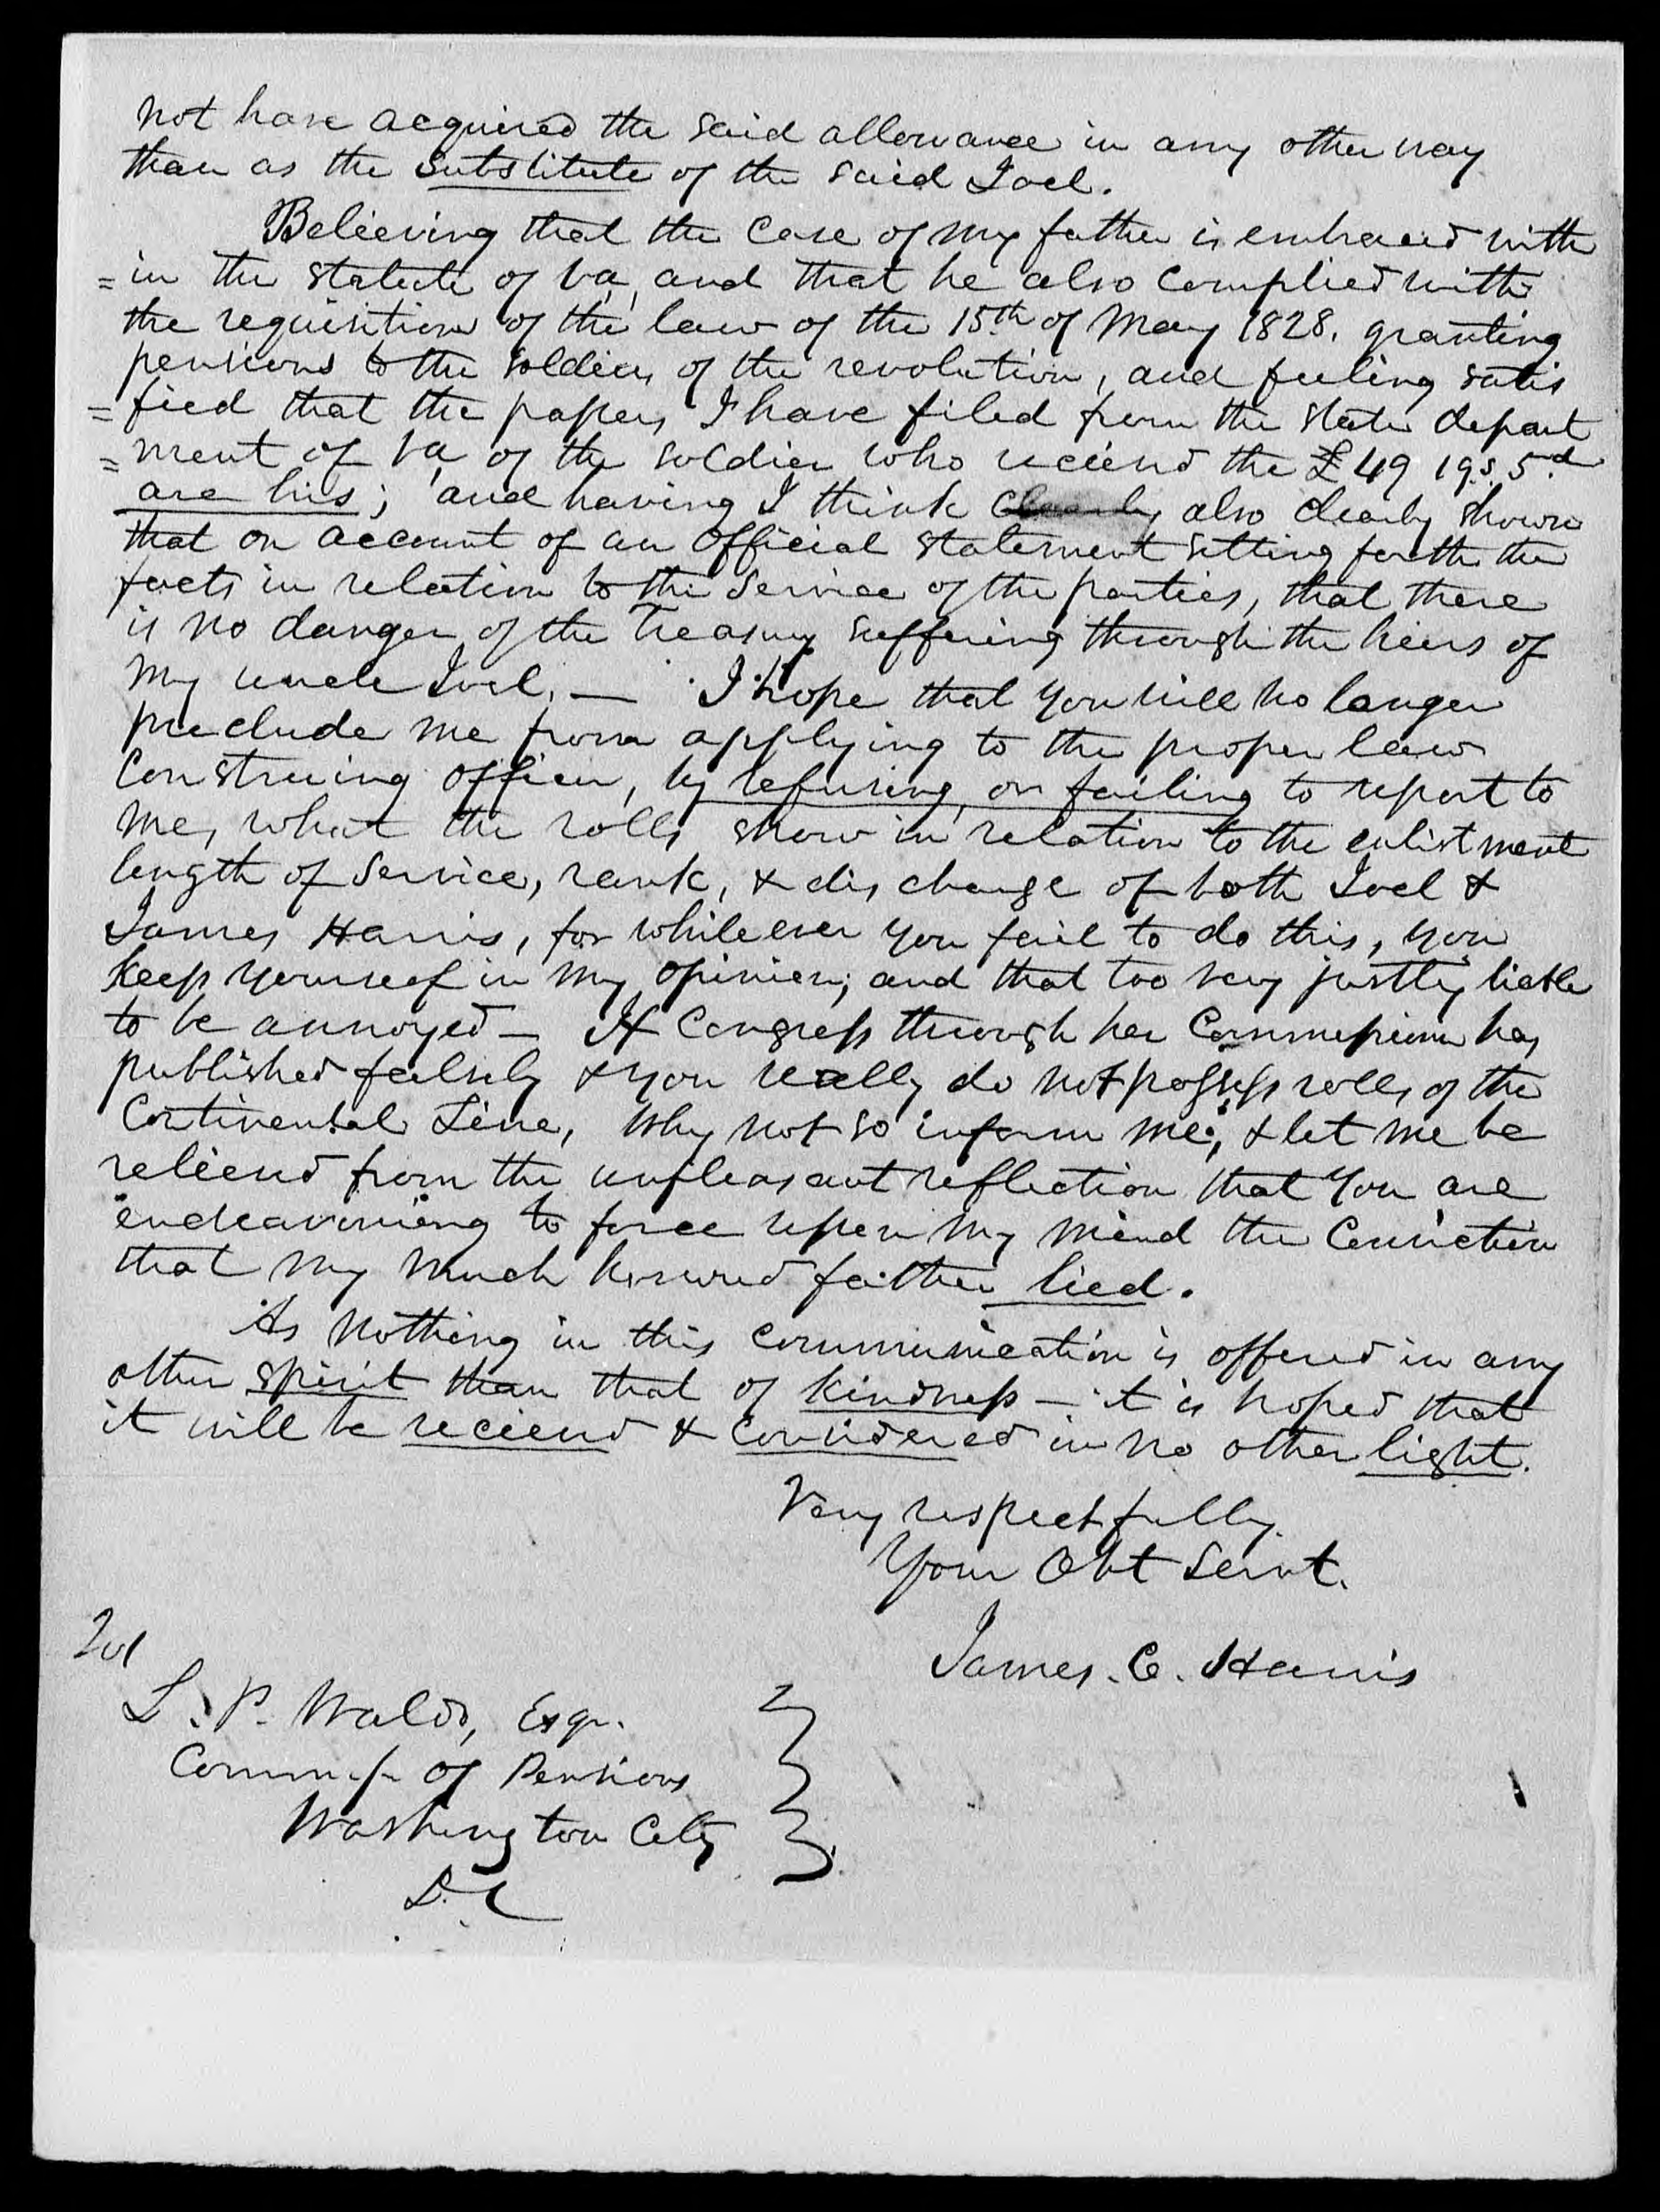not have acquired the said allowance in any other way than as the substitute of the said Joel.
    Believing that the case of my father is embraced within the statute of Va, and that he also complied with the requisition of the law of the 15th of May 1828, granting pensions to the soldier of the revolution, and feeling satisfied that the papers I have filed from the State department of Va of the soldier who received the {pound sterling sign]49 19s 5d are his; and having I think ["clearly" marked out] also clearly shown that on account of an official statement setting forth the facts in relation to the service of the parties, that there is no danger of the Treasury suffering through the heirs of my uncle Joel.--I hope that you will no longer preclude me from applying to the proper law Construing officer, by refusing, or failing to report to me, what the rolls show in relation to the enlistment length of service, rank, & discharge of both Joel & James Harris, for while ever you fail to do this, you keep yourself in my opinion, and that too very justly liable to be annoyed.  If Congress, through her Commission has published falsely & you really do not possess rolls of the Continental Line, why not so inform me; & let me be relieved from the unpleasant reflection that you are endeavoring to force upon my mind the conviction that my much honoured father lied.
    As nothing in this communication is offered in any other spirit than that of kinship--it is hoped that it will be received & considered in no other light.
          Very respectfully,
          Your Obt Servt.
          James C. Harris

To
L. P. Waldo, Esqr.}
Commisn. of Pensions}
Washington City}
D.C.}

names: Joel, L P Waldo, Joel, Joel Harris, James Harris, James C Harris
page: 21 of 160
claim: rejected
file: R. 4666, James Harris, Va.